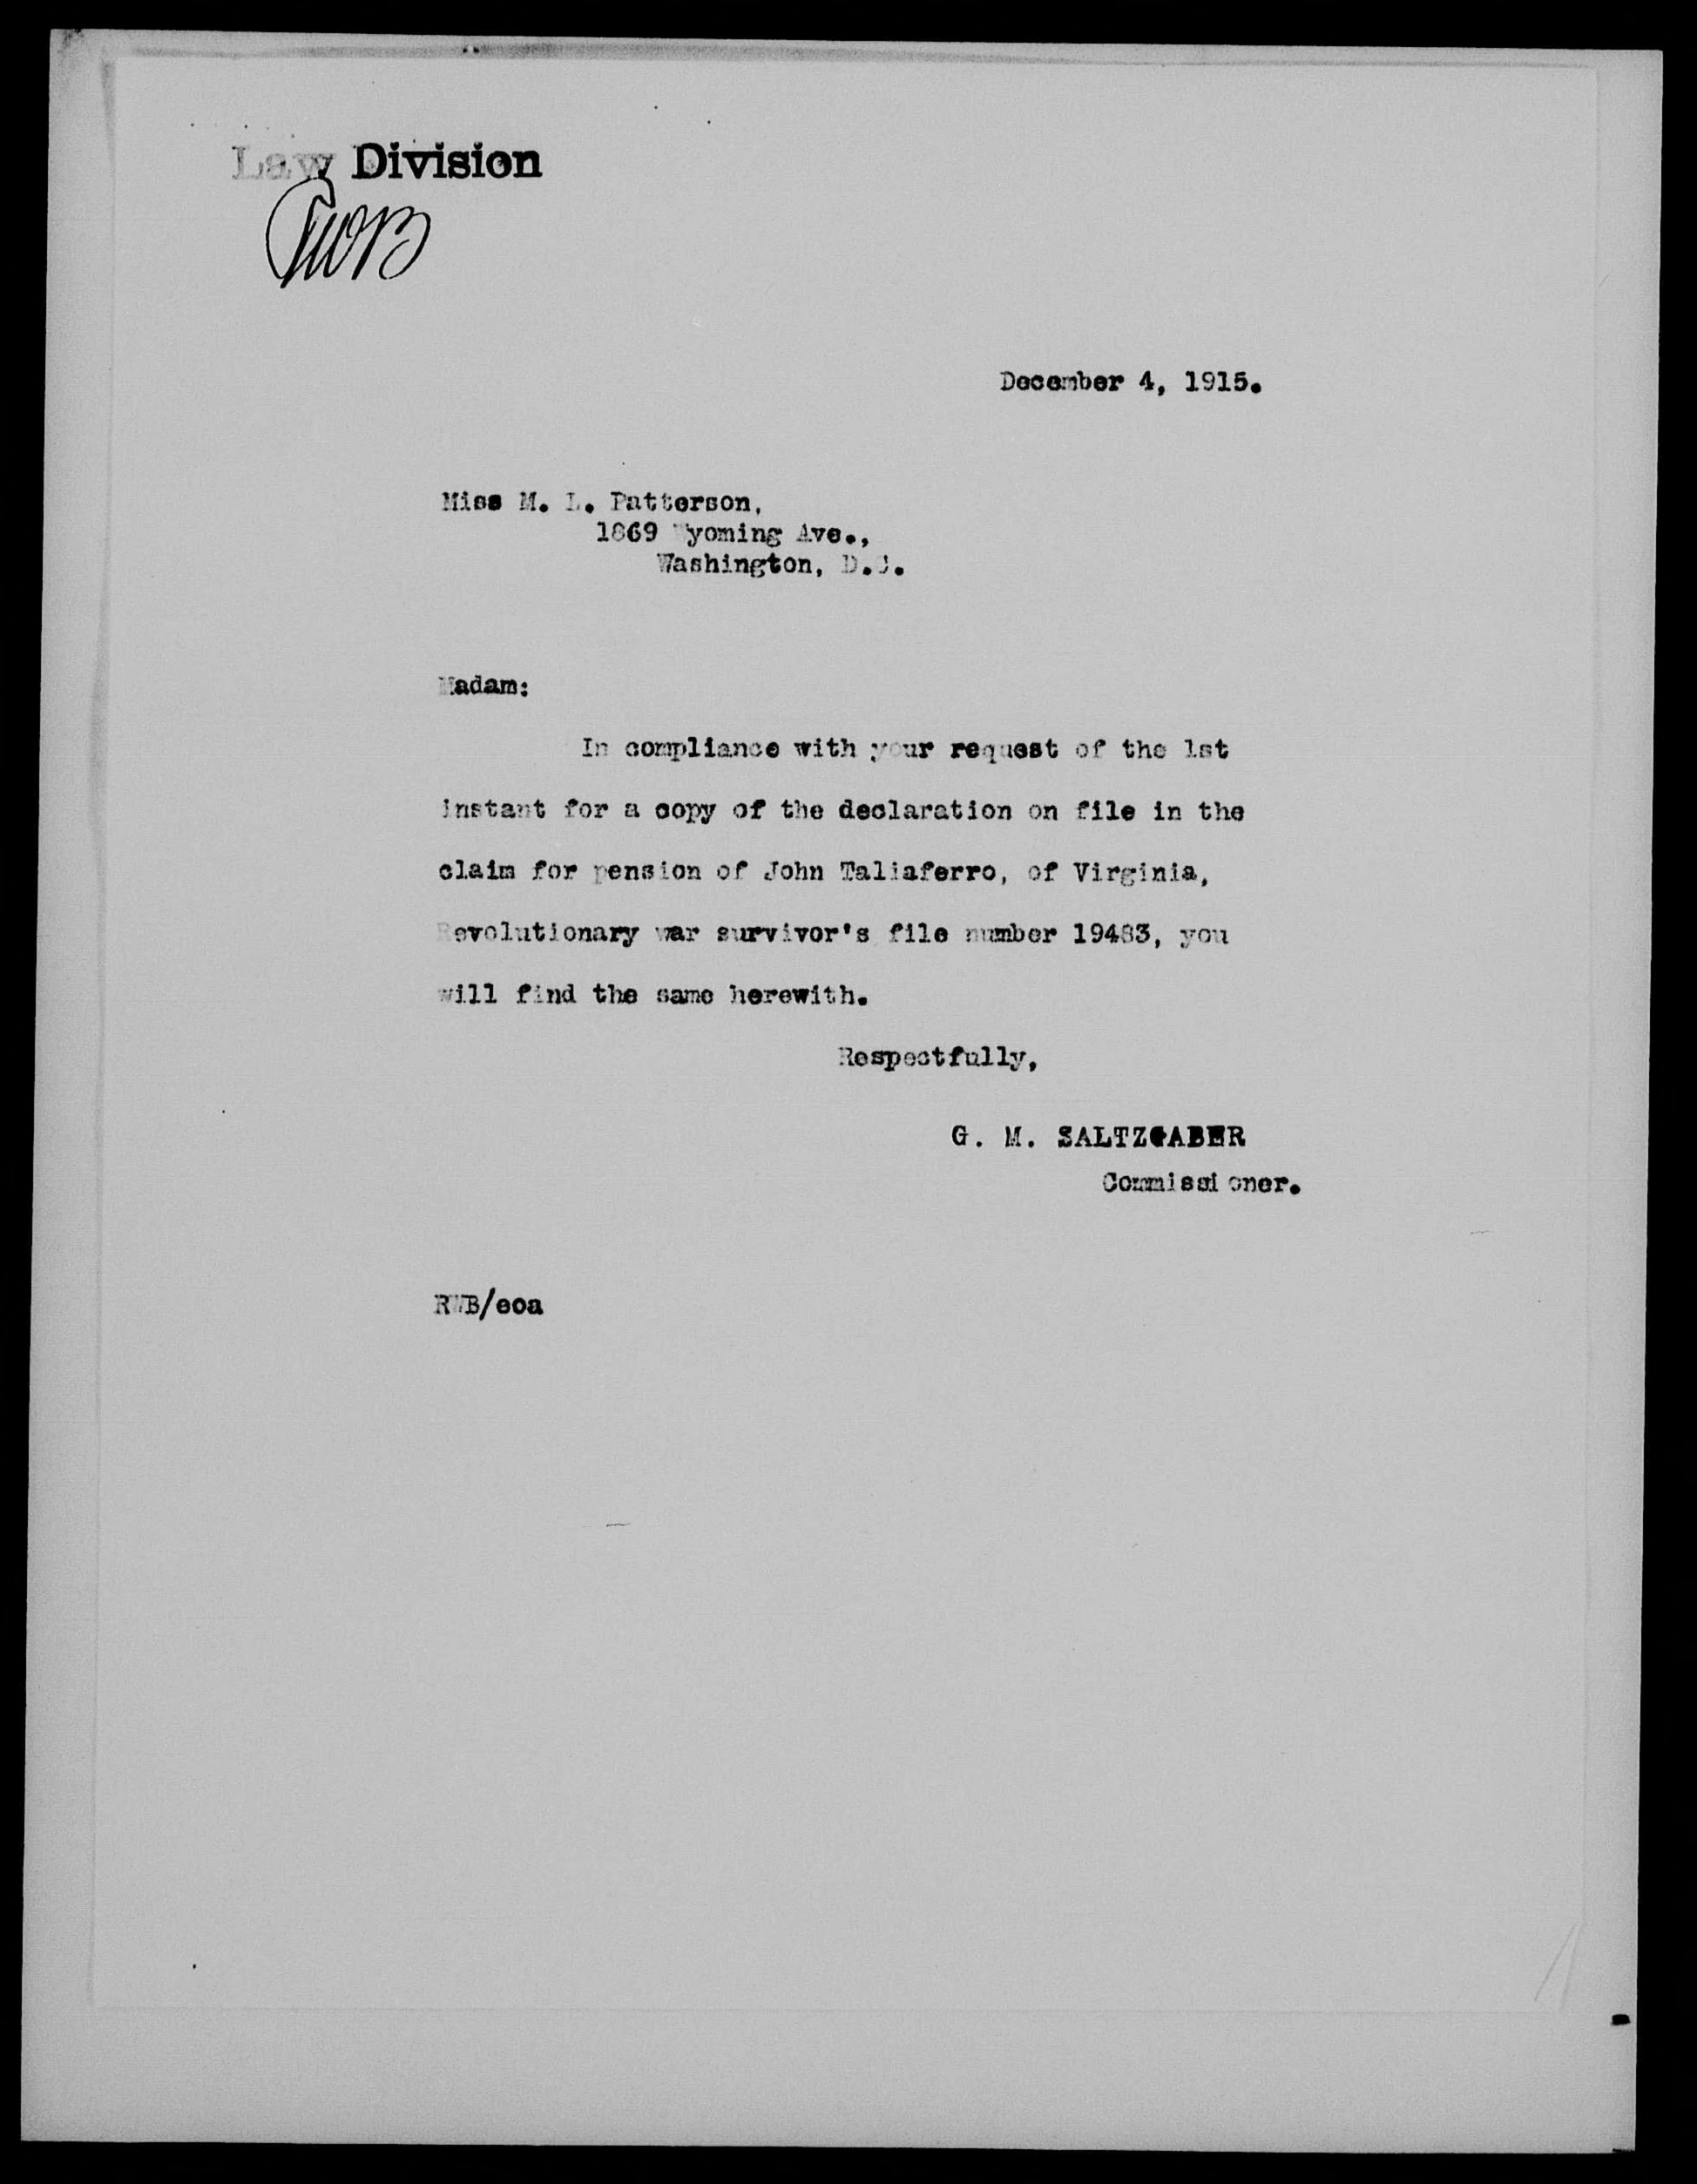Law Division
RWB

December 4, 1915

Miss M. L. Patterson
1869 Wyoming Ave
Washington D.C.

In compliance with your request of the 1st instant for a copy of the declaration on file in the claim for pension of John Taliaferro, of Virginia, Revolutionary war survivor's file number 19483, you will find the same herewith. 
Respectfully, 
G.M. SALTZGABER
Commissioner
RWB/eca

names: G M Saltzgaber; M L Patterson; John Taliaferro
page: 34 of 34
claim: survivor's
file: S. 19483, for John Taliaferro, Virginia